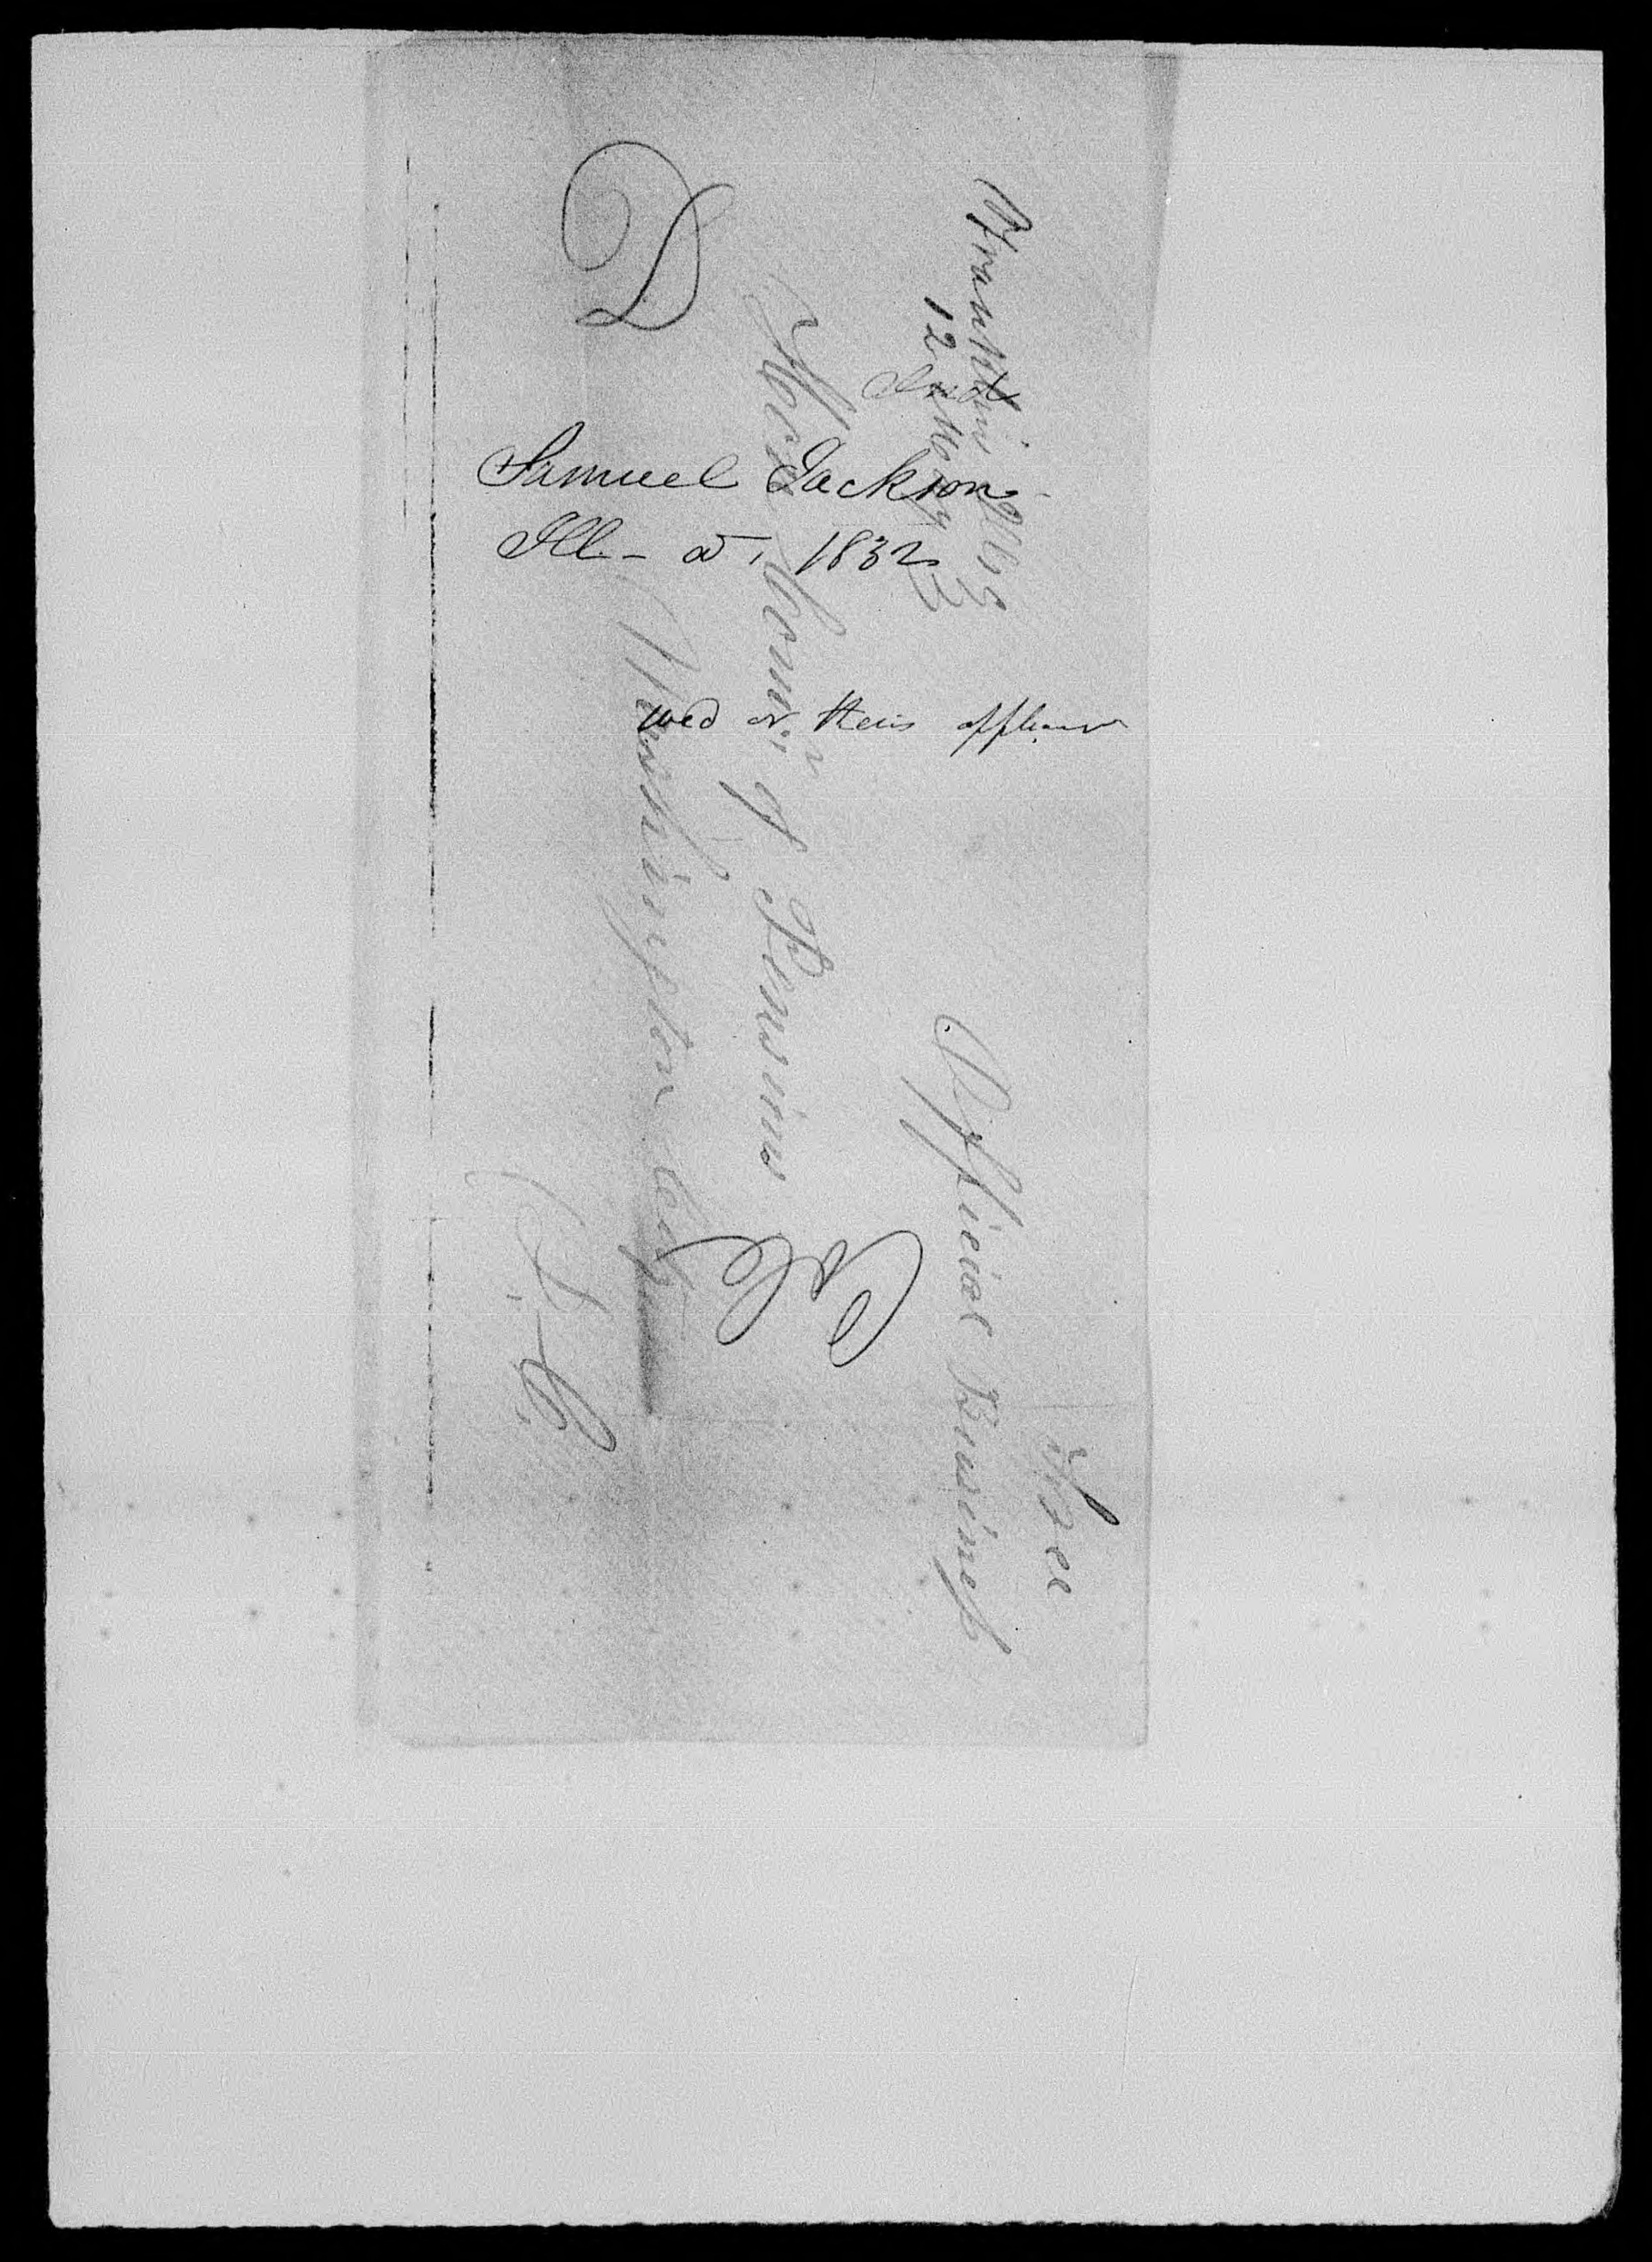Franklin Illinois
May

Free
Office Business

Hon Commr of Pensions
Washington City
D. C.

D

Ind

Samuel Jackson
Ill _ D 1832

Wed or Thurs [illegible]

CoC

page: 38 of 56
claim: rejected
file: R 5529, for Samuel Jackson, Virginia